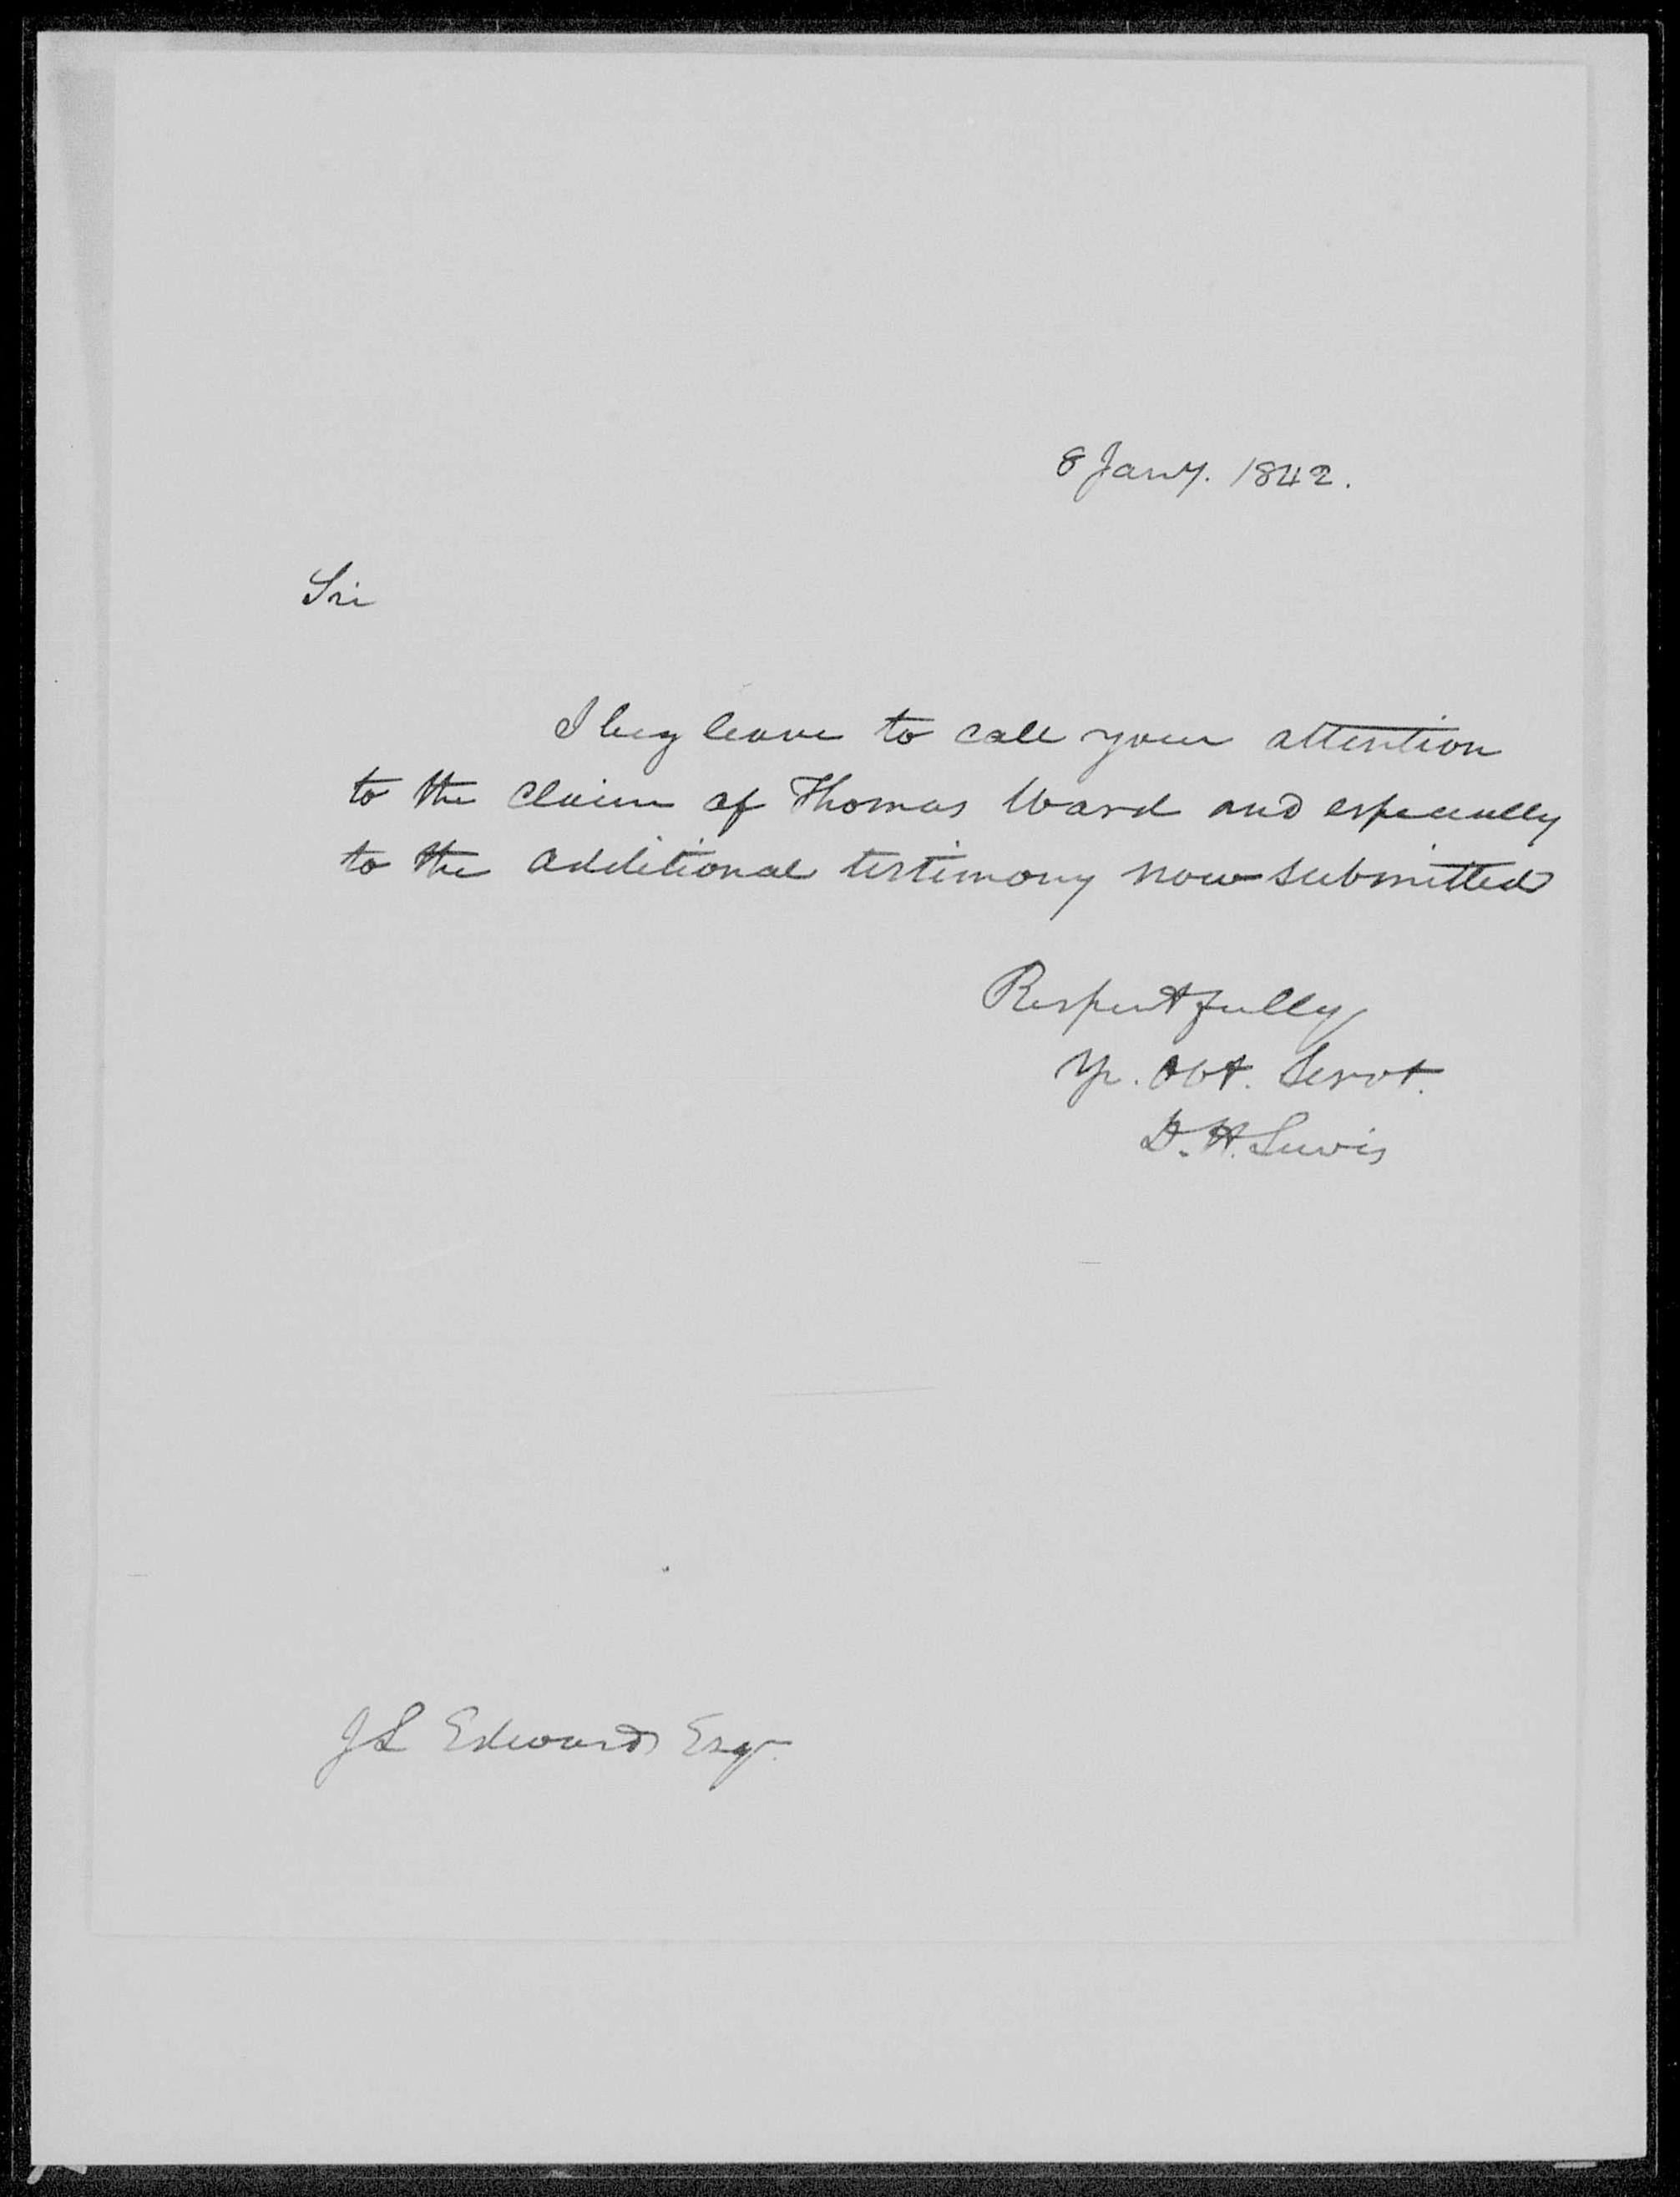8  Jany.  1842.
Sri
I beg leave to call your attention to the claim of Thomas Ward and especially to the additional testimony now submitted
Respectfully
Yr.  Obt.  Servt.
D. H. Lewis



J L  Edwards Esqr.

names: J L Edwards, D H Lewis, Thomas Ward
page: 24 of 31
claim: survivor's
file: S. 14802, Thomas Ward, S.C.